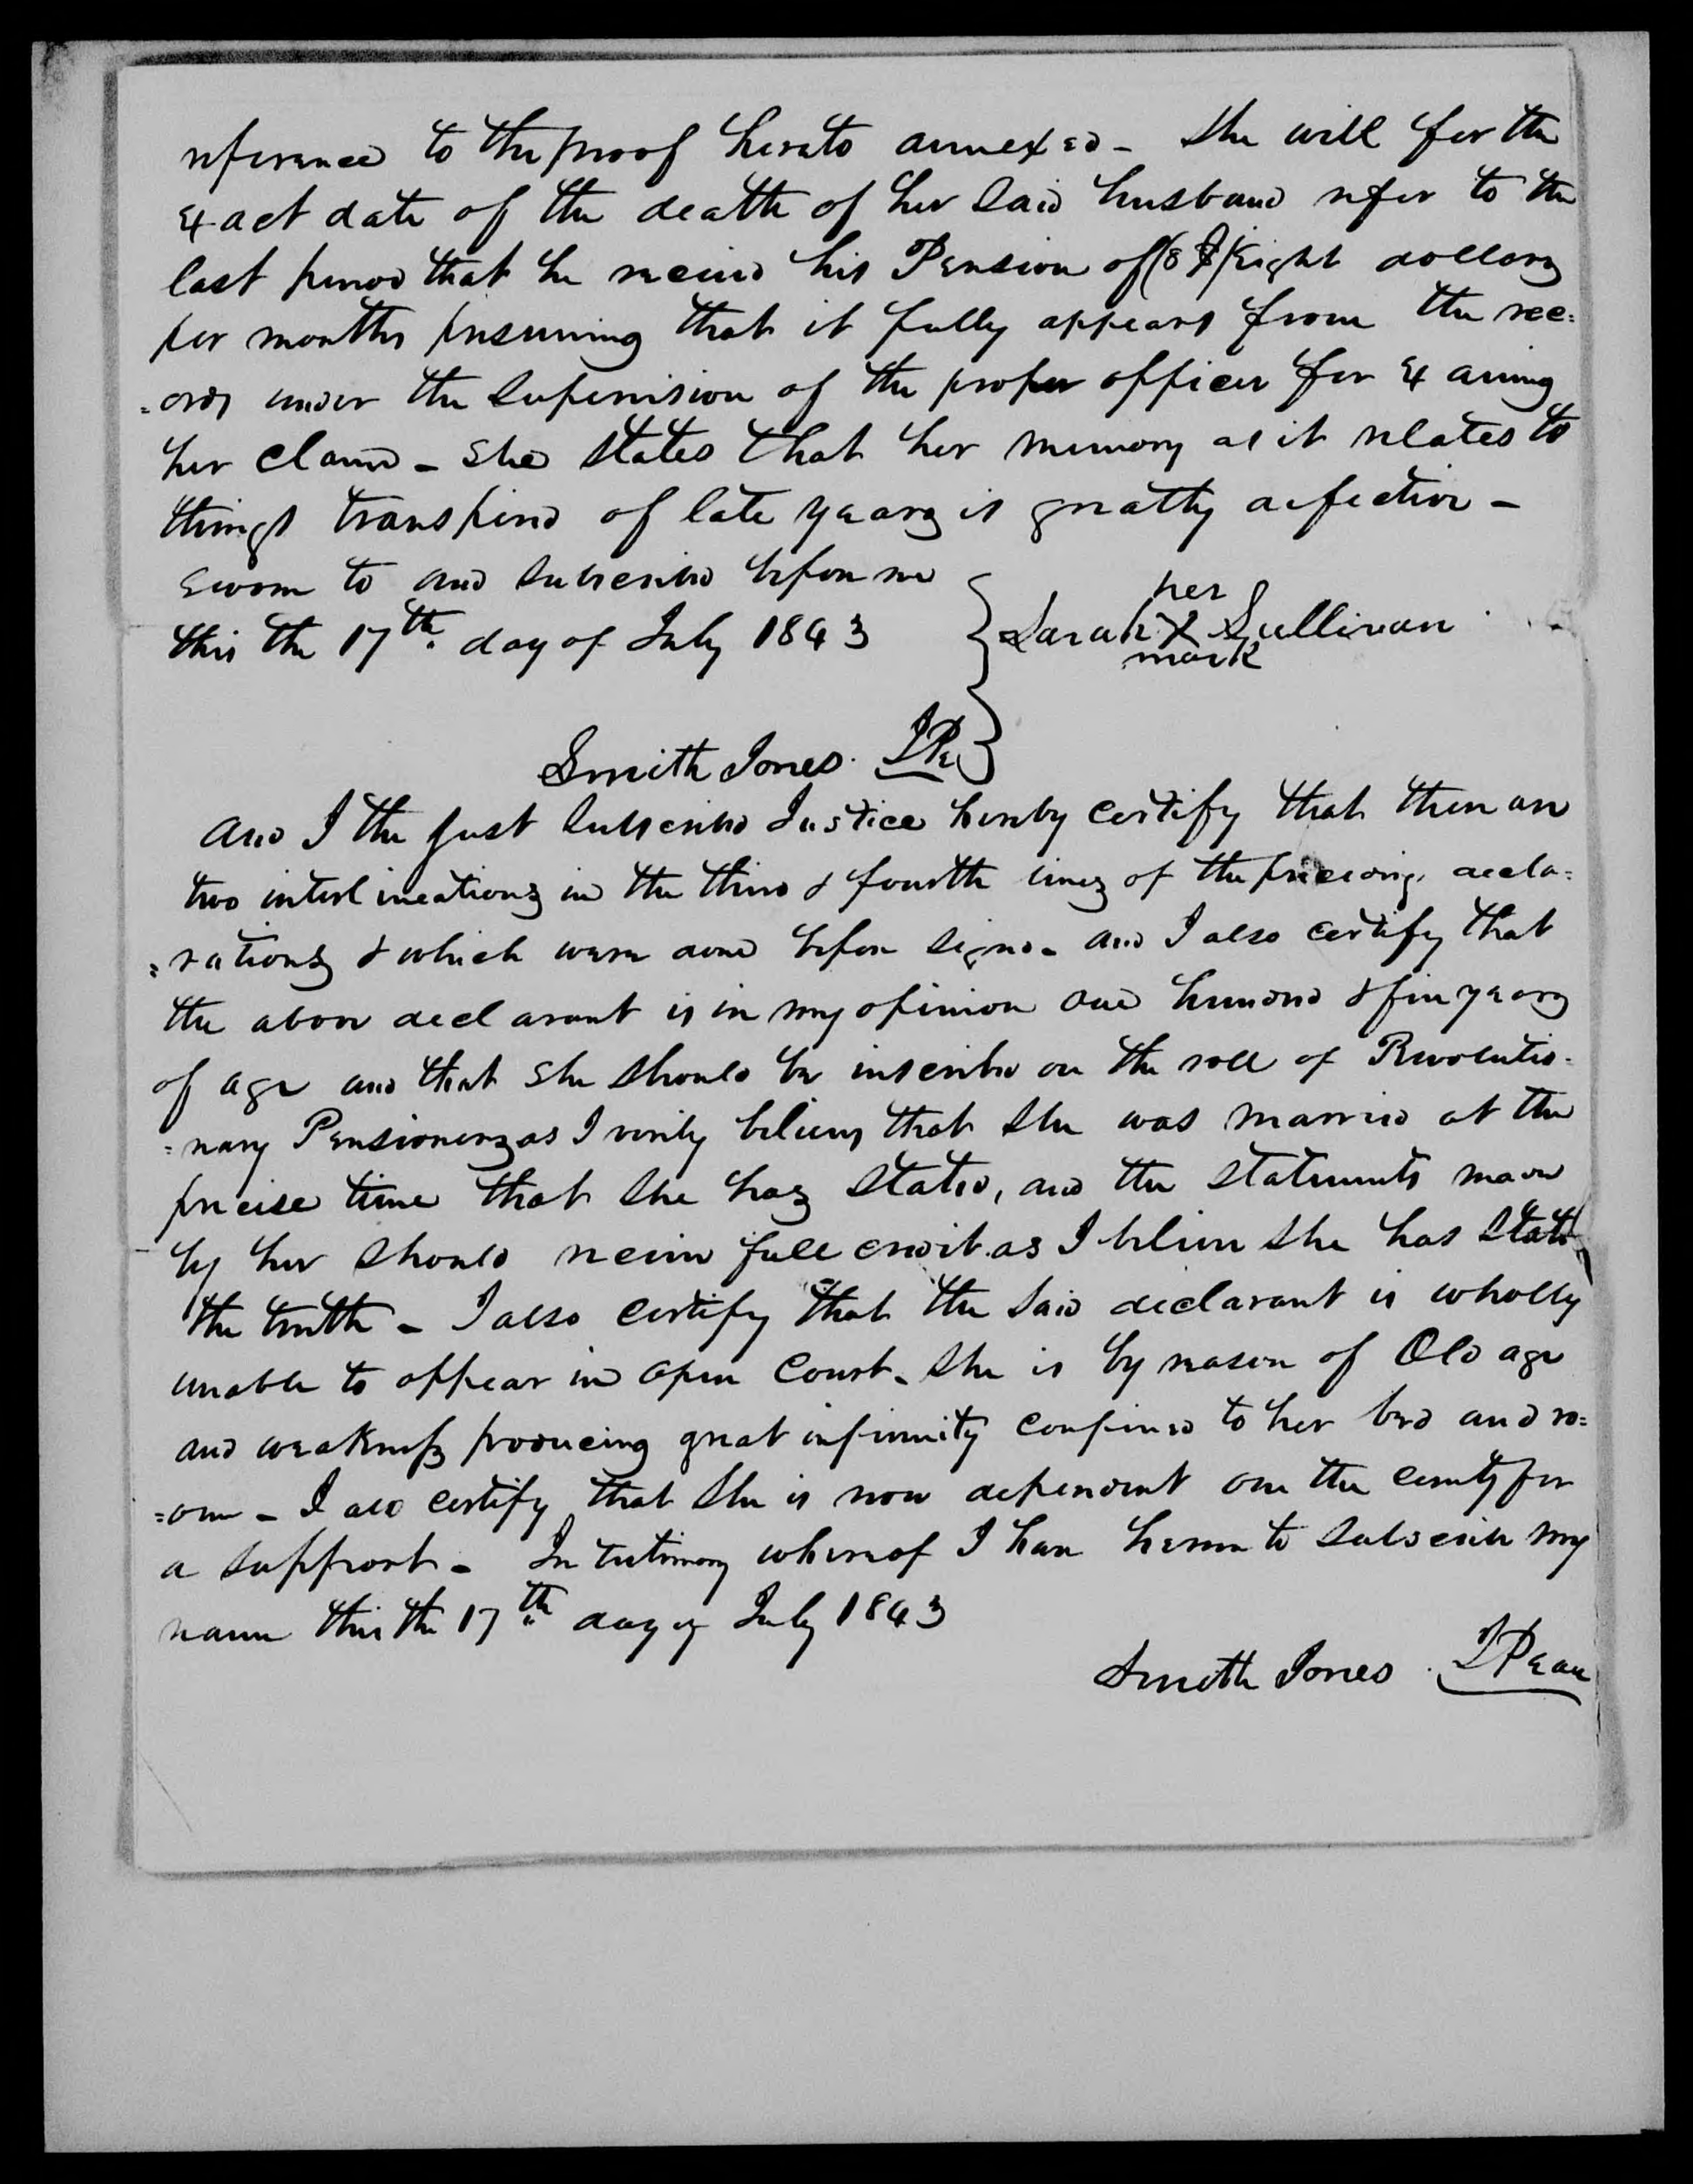reference to the proof hereto annexed - She will for the exact date of the death of her said husband refer to the last period that he received his Pension of (8$) Eight dollars per month insuring that it fully appears from the records under the supervision of the proper officer for examining her claim - She states that her memory as it relates to things transpired of late years is greatly affected -
[right] her
[right] Sara   X   Sullivan [X being her mark in lieu of signature]
[right] mark

Sworn to and subscribed before me this the 17th day of July 1843 
[signed] Smith Jones. JP

And I the just subscribed Justice hereby certify that then an two interlineations in the third & fourth lines of the preceding declarations & which were done before signed and I also certify that the above declarant is in my opinion one hundred & five years  of age and that she should be inscribed on the roll of Revolutionary 
Pensioners as I verily believe that she was married at the precise time that she has stated, and the statements now by her should receive full credit as I believe she has stated the truth - I also certify that the said declarant is wholly unable to appear in open court. She is by reason of old age and weakness proving great infirmity confined to her bed and room - I also certify that She is now dependent on the country for a support - In testimony whereof I have hereunto subscribed my name this the 17th day of July 1843
[signed] Smith Jones J Peace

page: 17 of 78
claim: widow's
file: W. 25,169, for Daniel Sullivan, Maryland